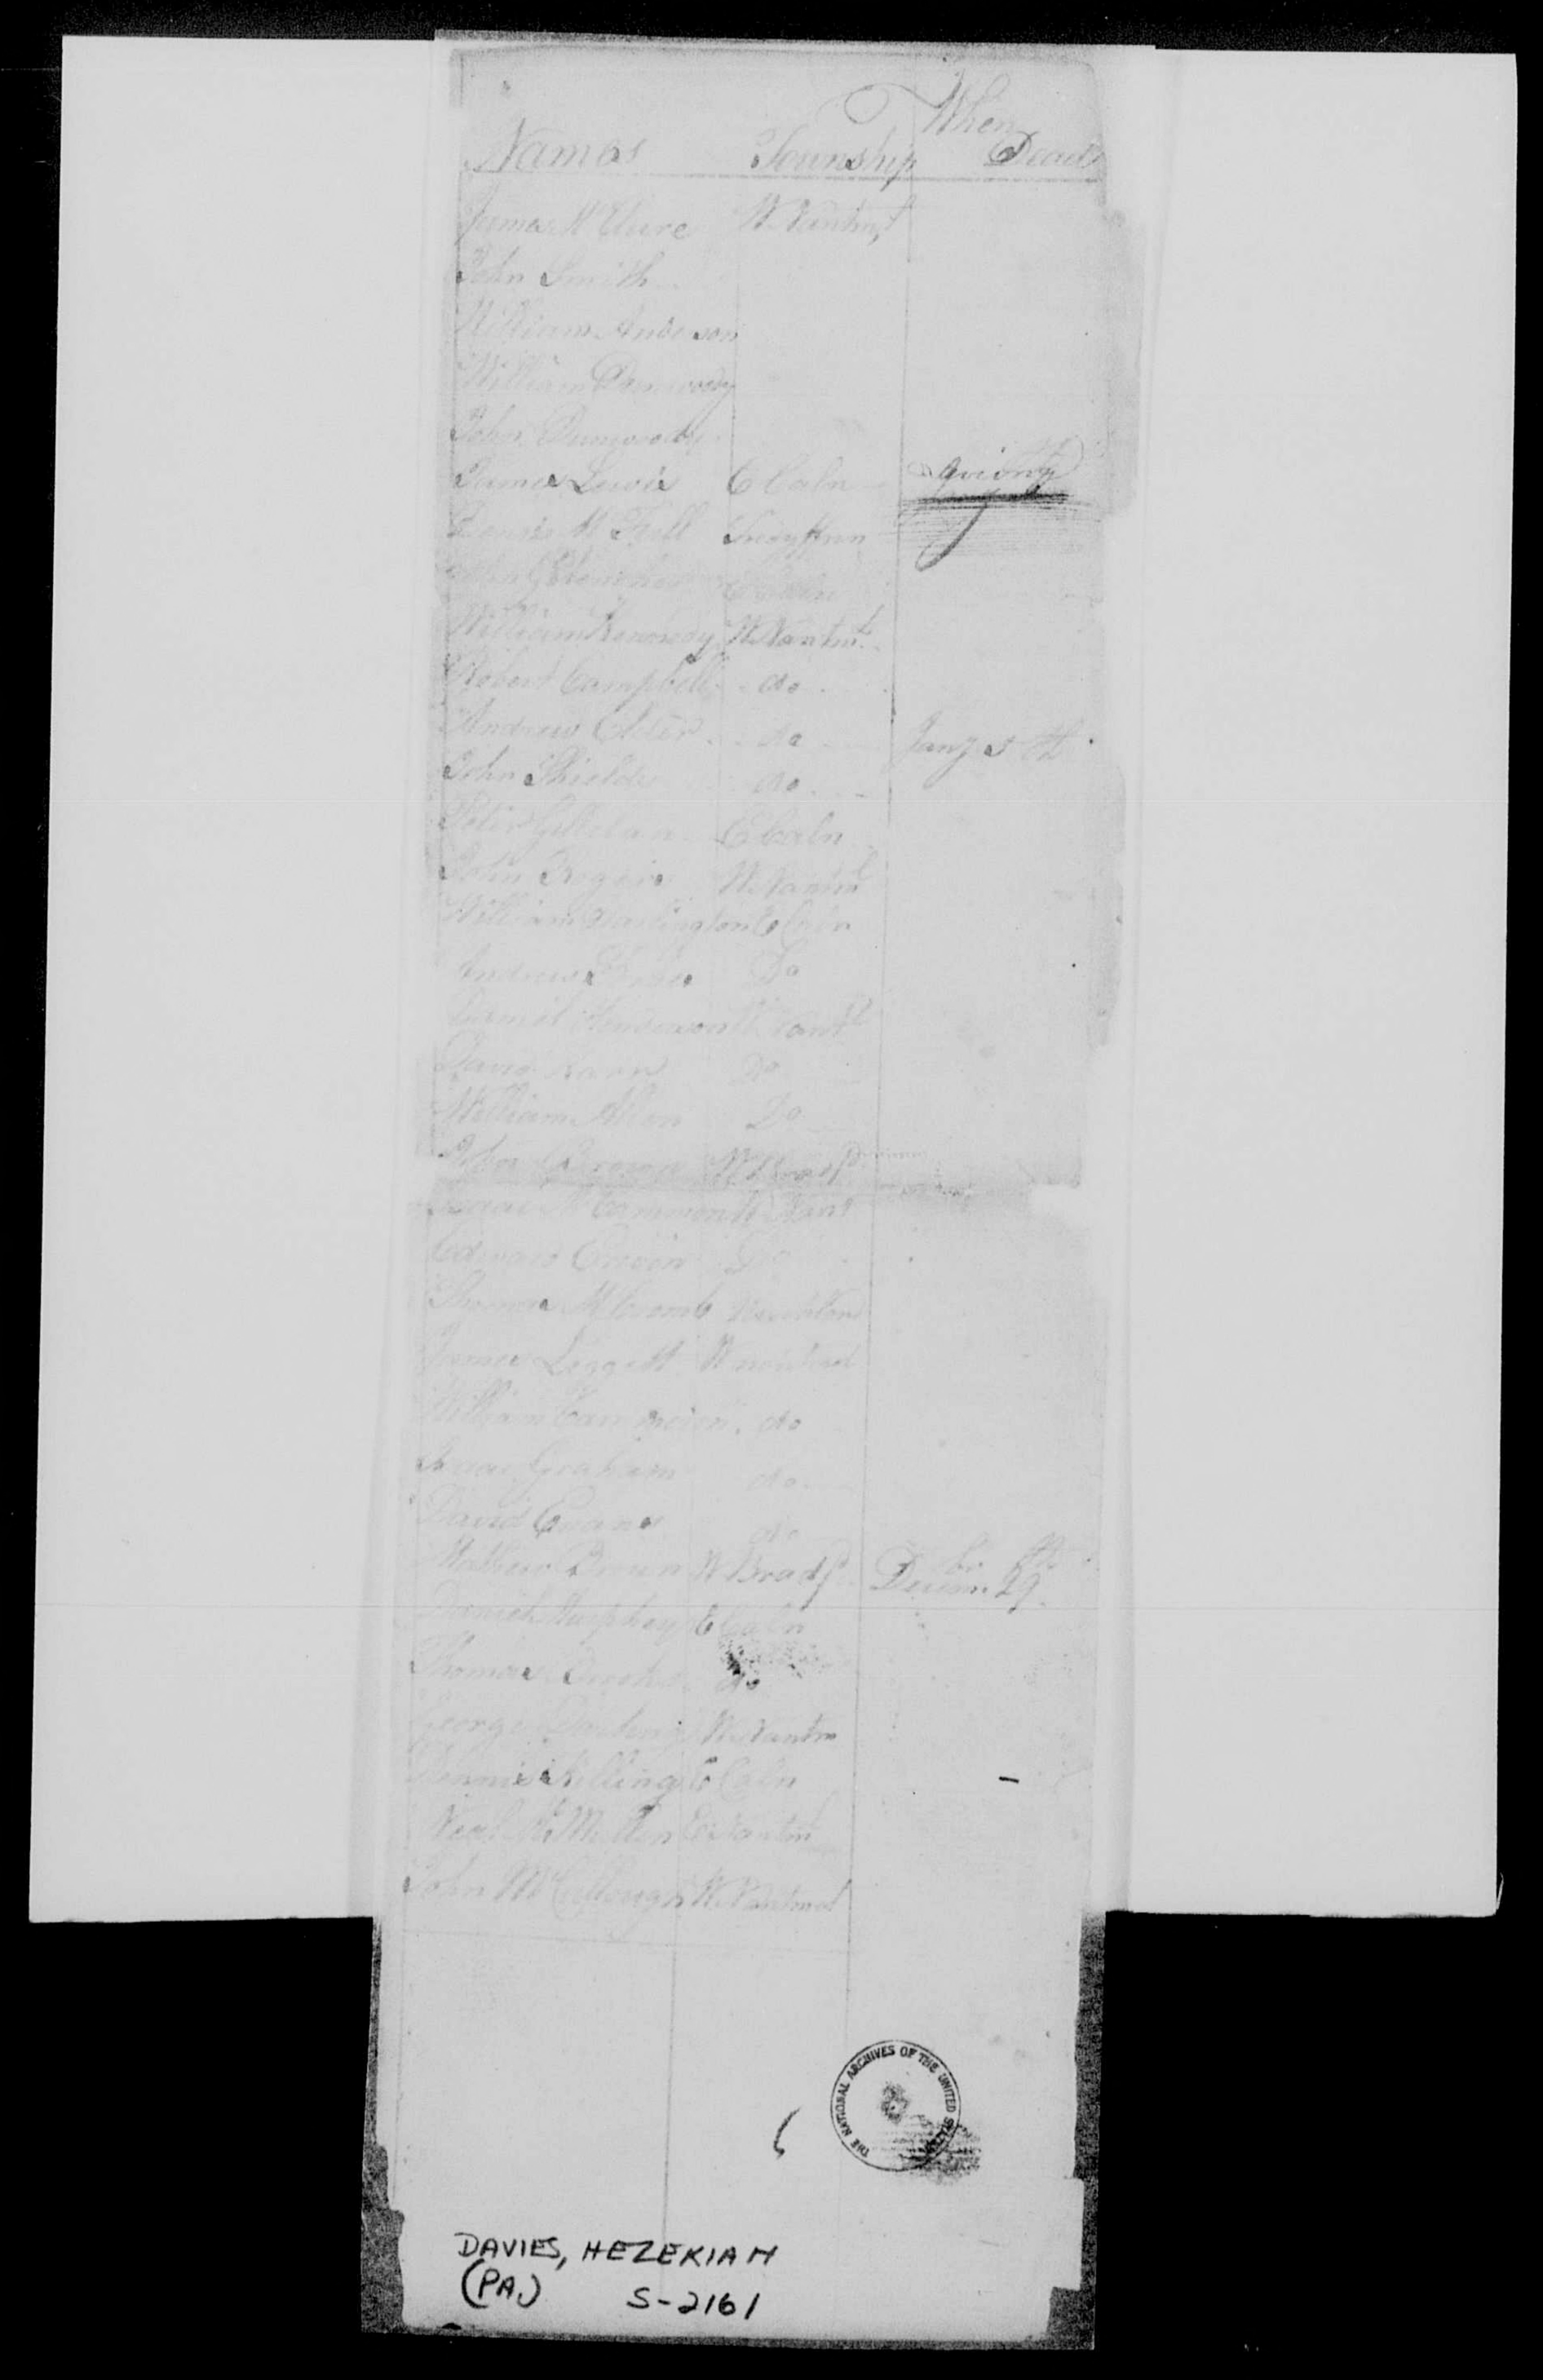[headings] Names. Township. When Dead
James McClure | W Nantuct
John Smith
William Anderson
William Dunwoody
John Dunwoody
James Lewis | C Caln | [date struck thru ] Living
David McFell | Freryffran
[illegible] Bleicher | Charles
William Kennedy | W Nantuct
Robert Campbell | do
Andrew Cleter | do | Jany 5th
John Shields | do | 
Peter Gilletan | E Caln
John Regin | W Pantml
William Washington | E Caln
Andrew [illegible] | Do
Daniel Henderson | W Nant
David Karn | do
William Allen | DO | 
John Brown | W [illegible] 
Isaac McCam [illegible] | illegible\
Edward Ervin | Do
Thomas McComb | W [illegible]
James Leggett | W [illegible]
William Cammeier | do
Isaac Graham | do
David Evans | do
Mathew Brown | W Brody | Decembr 29th
Daniel Humphey | E Caln
Thomas Brooks | do
George Darling | W Nantn
Dennis Killing | E Caln
Neal McMullen | E Nantn
John McCullough | W Pantmet

[circular stamp] THE NATIONAL ARCHIVES OF THE UNITED STATES

DAVIES, HEZEKIAH
(PA) S-2161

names: , James, Andrew, , , , , John, , James, , , , William Anderson, Robert, , John Smith, Hezekiah Davies, , John, , Smith, William, John, , , Peter, , , Mathews, , John Field, , ,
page: 55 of 57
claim: survivor's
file: S. 2161, Hezekiah Davies, Penn